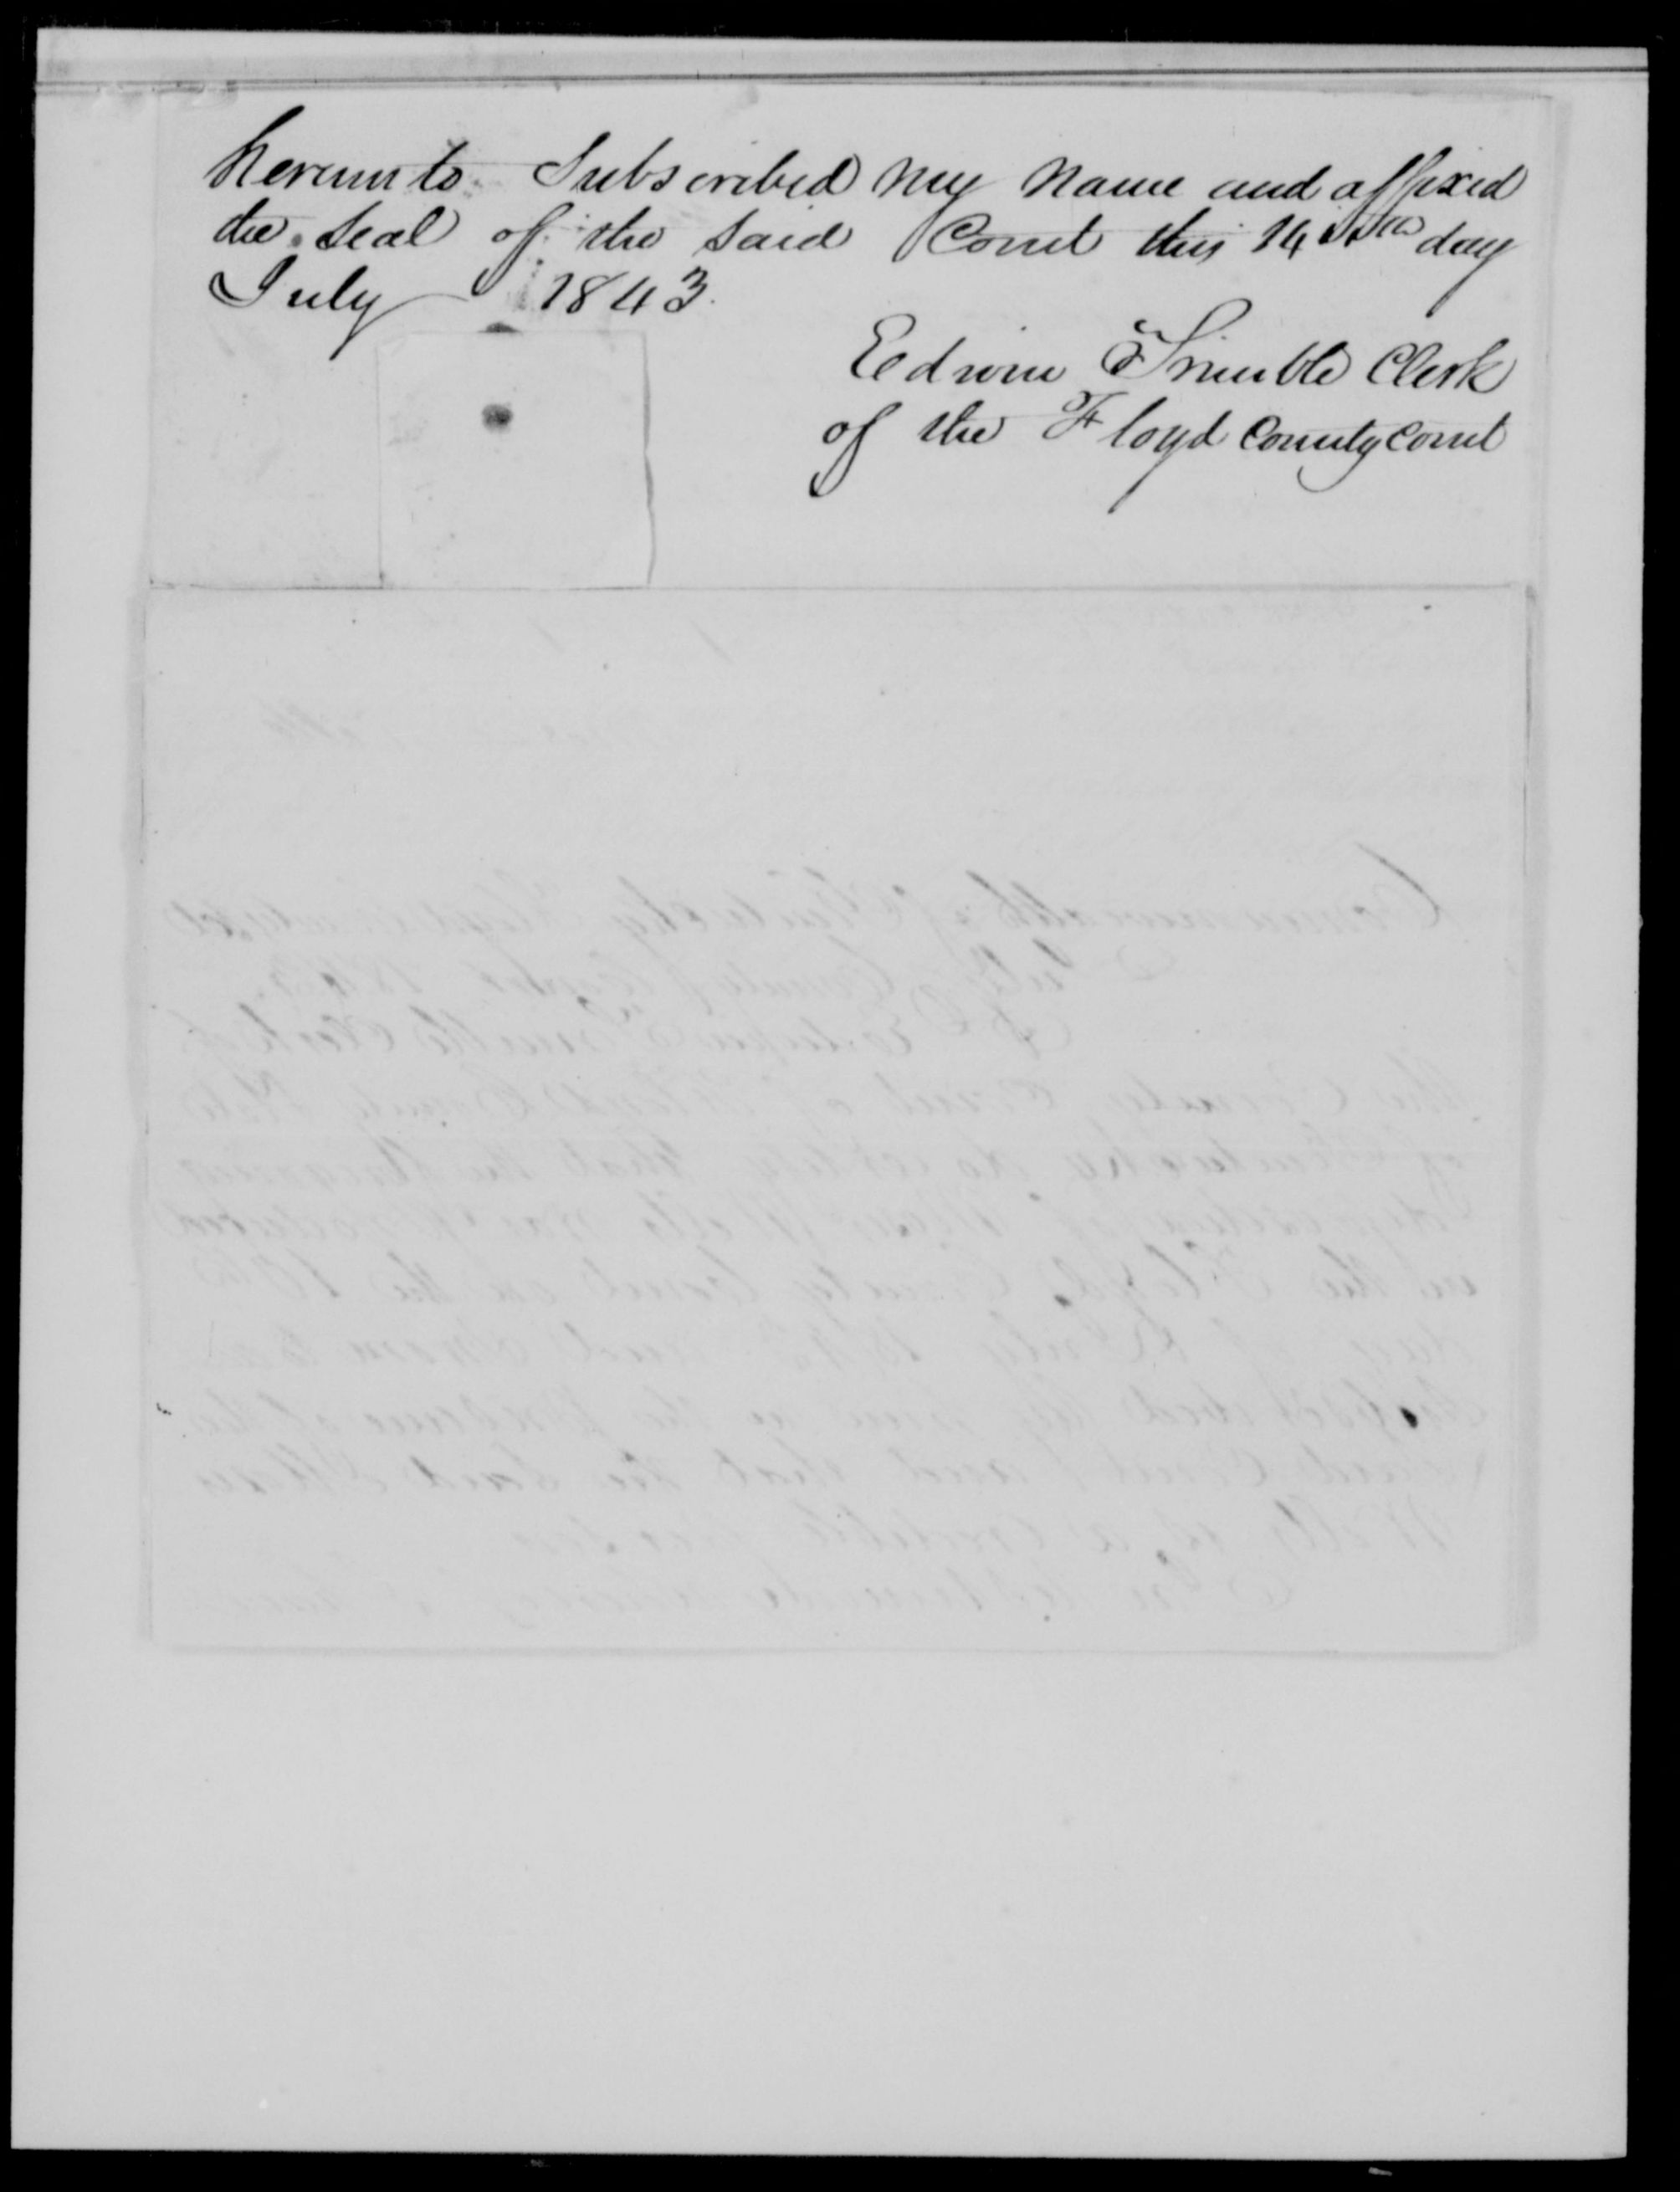hereunto subscribed my name and affixed the seal of the said Court this 14th day July 1843.
Edwin Trimble  ( signed / sealed ) Clerk of the Floyd County Court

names: Edwin Trimble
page: 36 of 100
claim: widow's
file: W. 6437, Richard Wells, Ga Va.